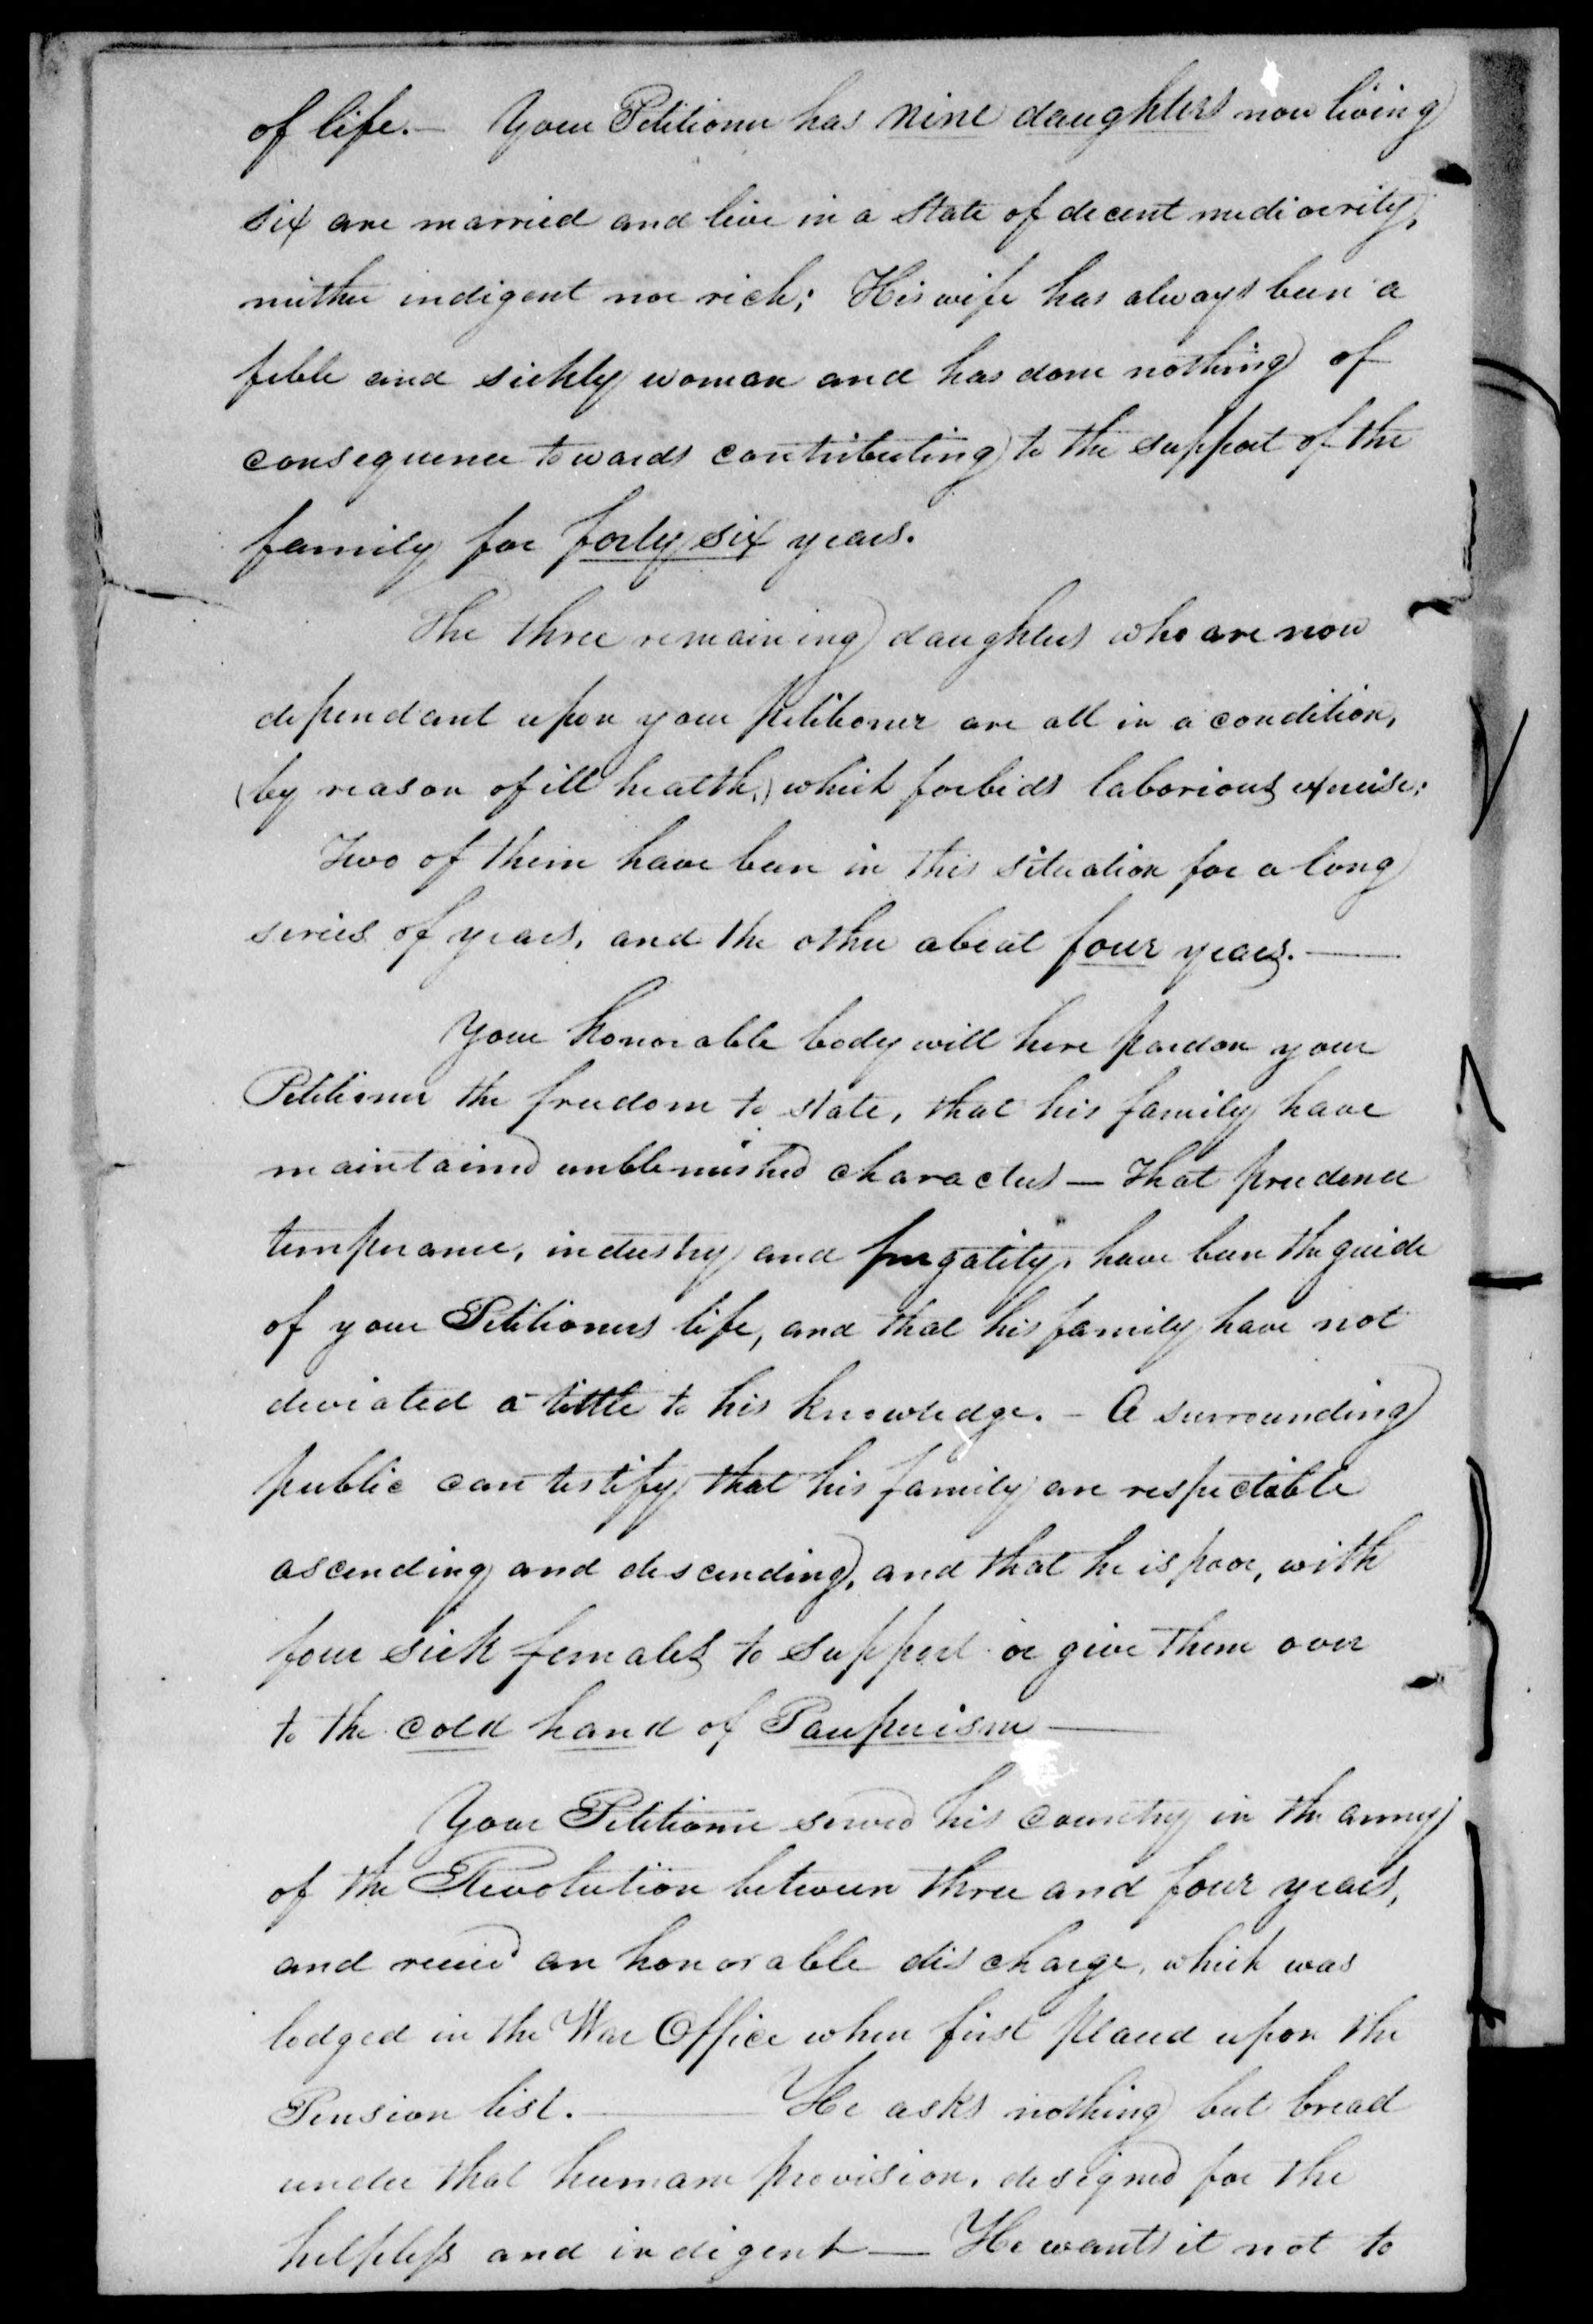of life.
Your Petitioner has nine daughter now living
six are married and live in a State of decent mediocrity, neither indigent nor rich; His wife has always been a feble and sickly woman and has done nothing of consequence towards contributing to the support of the
family for forty six years. -
The three remaining daughters who are now
dependant upon your petitioner are all in a condition (by reason of ill health) which forbids laborious excise;  Two of them have been in this situation for a long series of years, and the other about four years. -
Your honorable body will here pardon your
Petitioner the freedom to state, that his family have maintained unblemished characters - That prudence, temperance, industry and frugality have been the guide of your Petitioners life, and that his family have not
deviated a little to his knowledge.-- A surrounding public can testify that his family are respectable ascending and descending, and that he is poor, with four sick females to support or give them over to the cold hand of Pauperism-
Your Petitioner served his country in the army
of the Revolution between three and four years, and received an honorable discharge, which was lodged in the War Office when first placed upon the Pension list. -  He asks nothing but bread under that human provision, designed for the helpless and indigent.- He wants it not to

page: 78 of 87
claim: widow's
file: W. 25,966, Moses Weld, Mass.